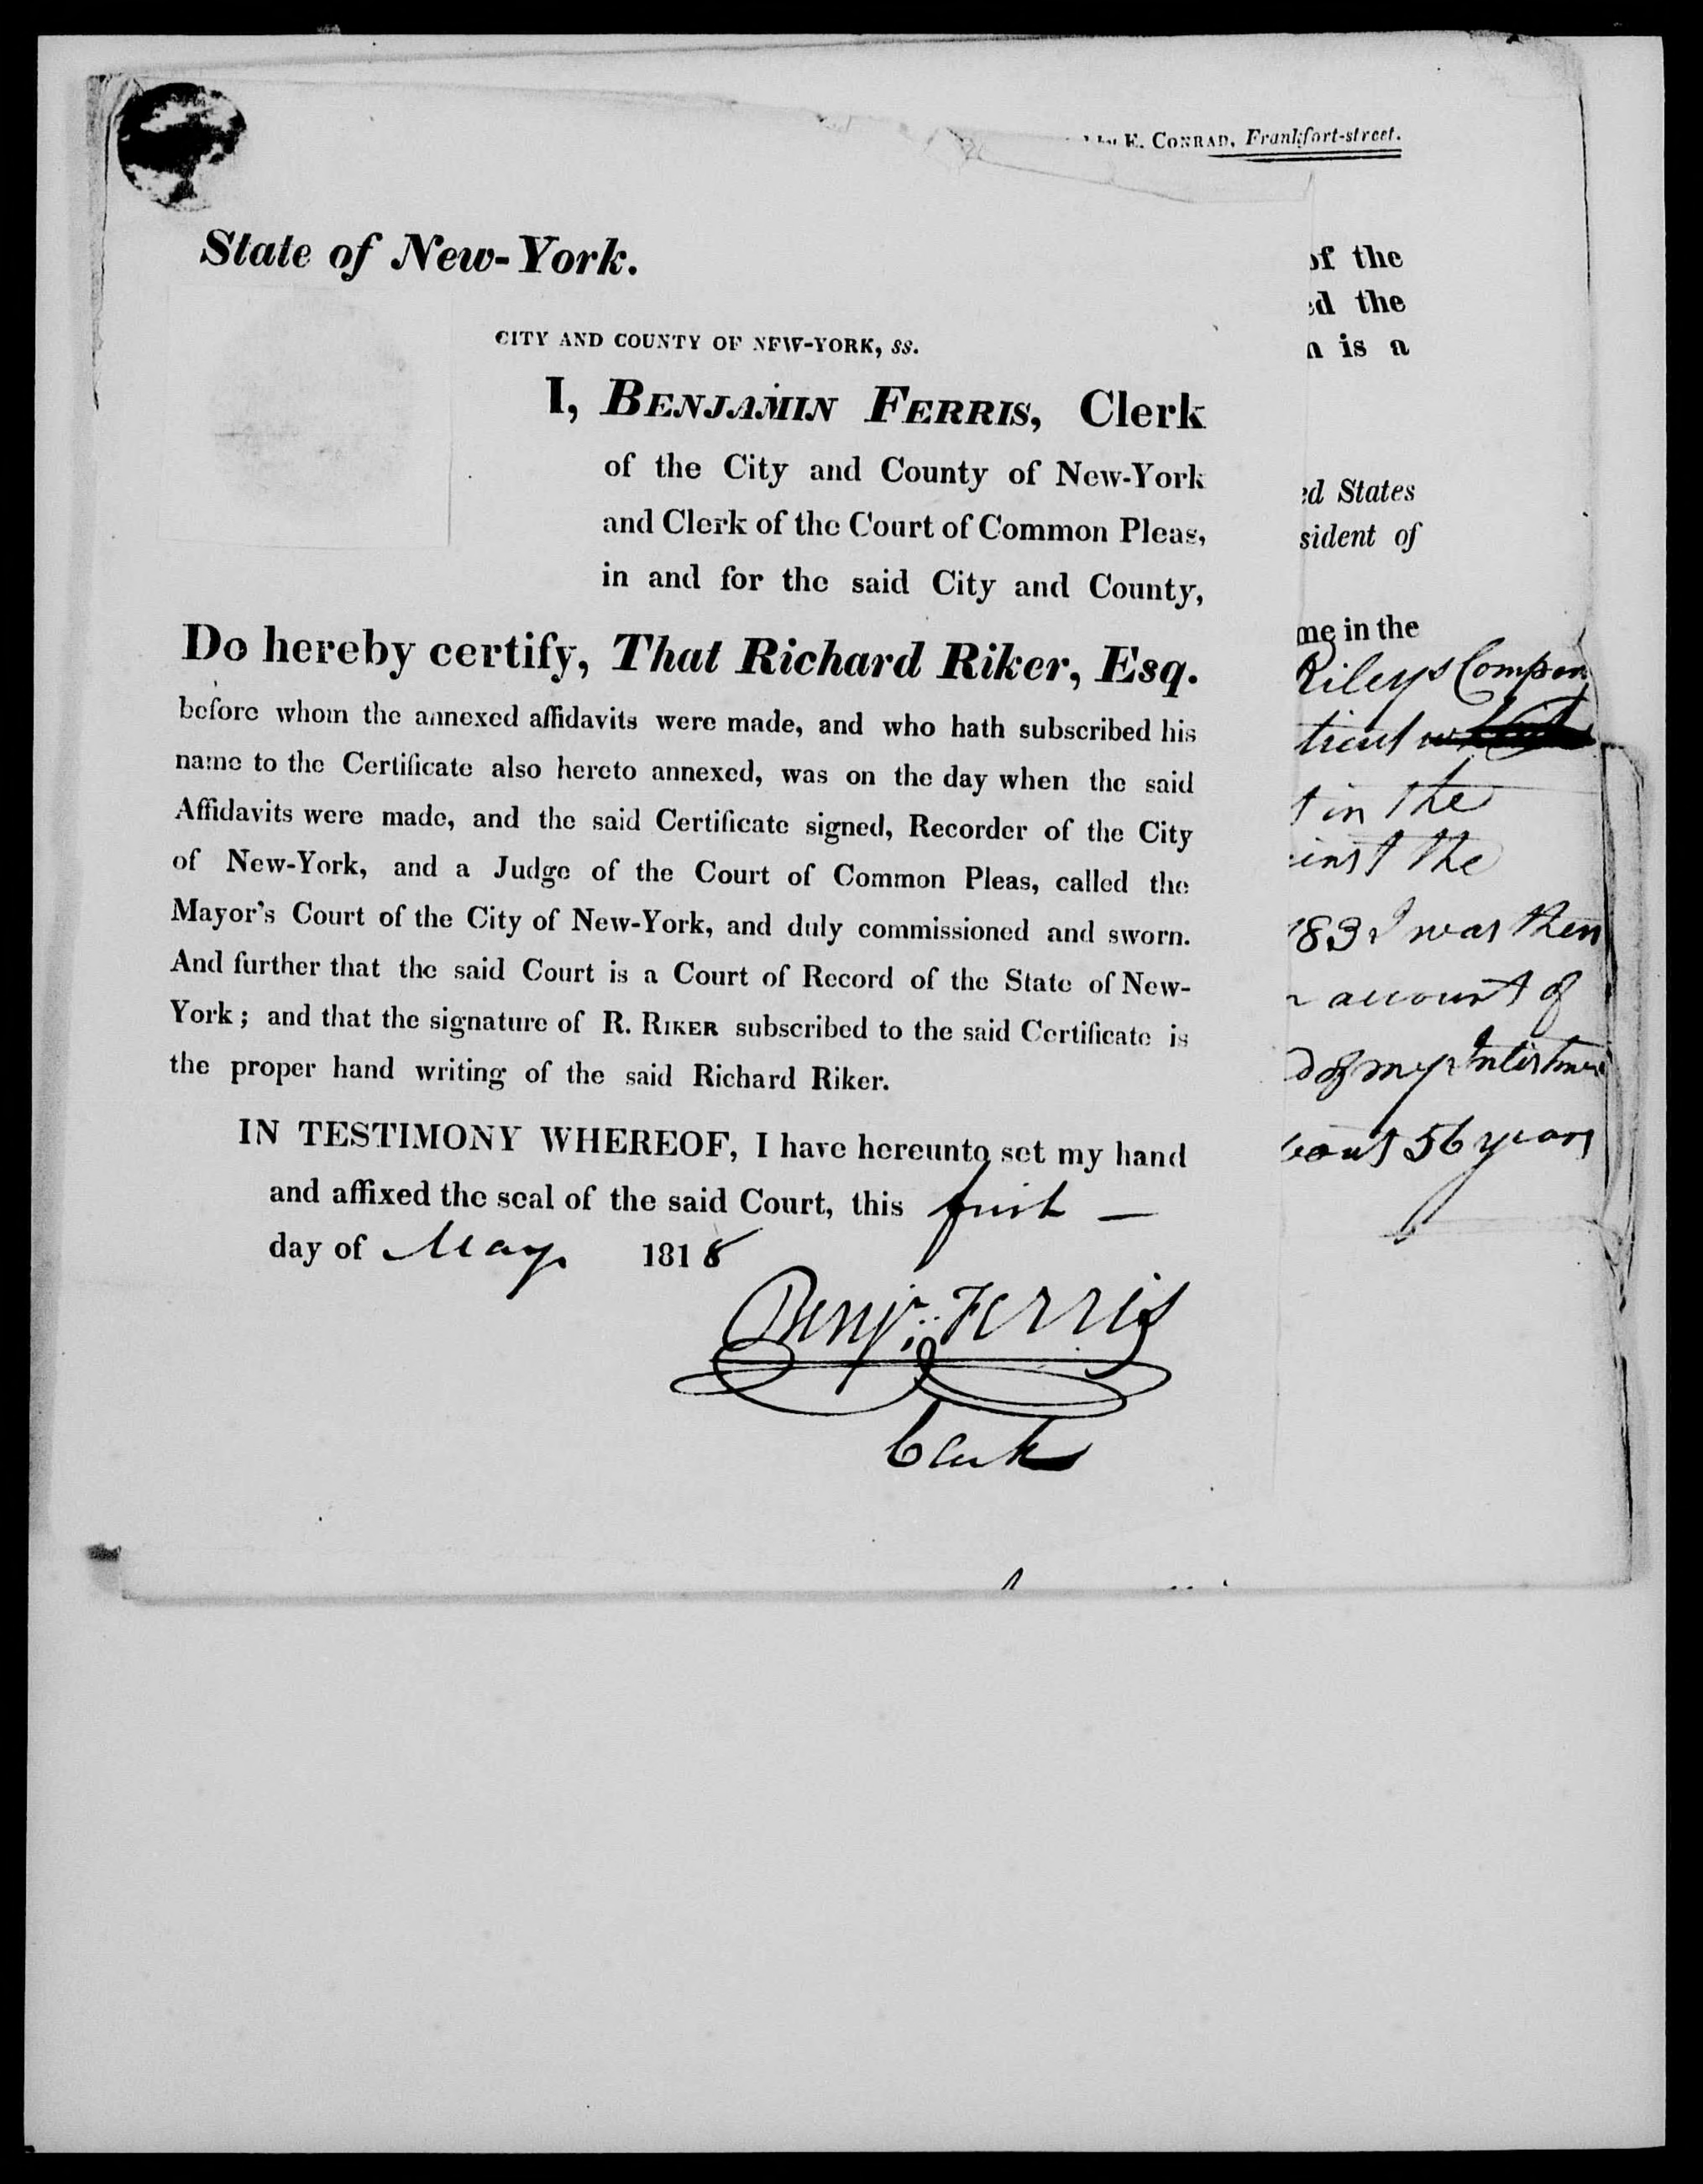State of New-York.
[illegible stamp of Court of Common Pleas ]

CITY AND COUNTY OF NEW-YORK, SS. 

I, BENJAMIN FERRIS, Clerk of the City and County of New-York and Clerk of the Court of Common Pleas, in and for the said City and County, 

Do hereby certify, That Richard Riker, Esq. before whom the annexed affidavits were made, and who hath subscribed his name to the Certificate also hereto annexed, was on the day when the said Affidavits were made, and the said Certificate signed, Recorder of the City of New-York, and a Judge of the Court of Common Pleas, called the Mayor's Court of the City of New-York, and duly commissioned and sworn. And further that the said Court is a Court of Record of the State of New-York; and that the signature of R. RIKER subscribed to the said Certificate is the proper hand writing of the said Richard Riker. 

IN TESTIMONY WHEREOF, I have hereunto set my hand and affixed the seal of the said Court, this [handwritten first] day of [handwritten May]  181[handwritten 8] 

[handwritten signature Benj. Ferris]
[handwritten Clerk]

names: Benjamin Ferris; Richard Riker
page: 11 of 39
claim: survivor's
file: S. 23802, for James Miner, Connecticut